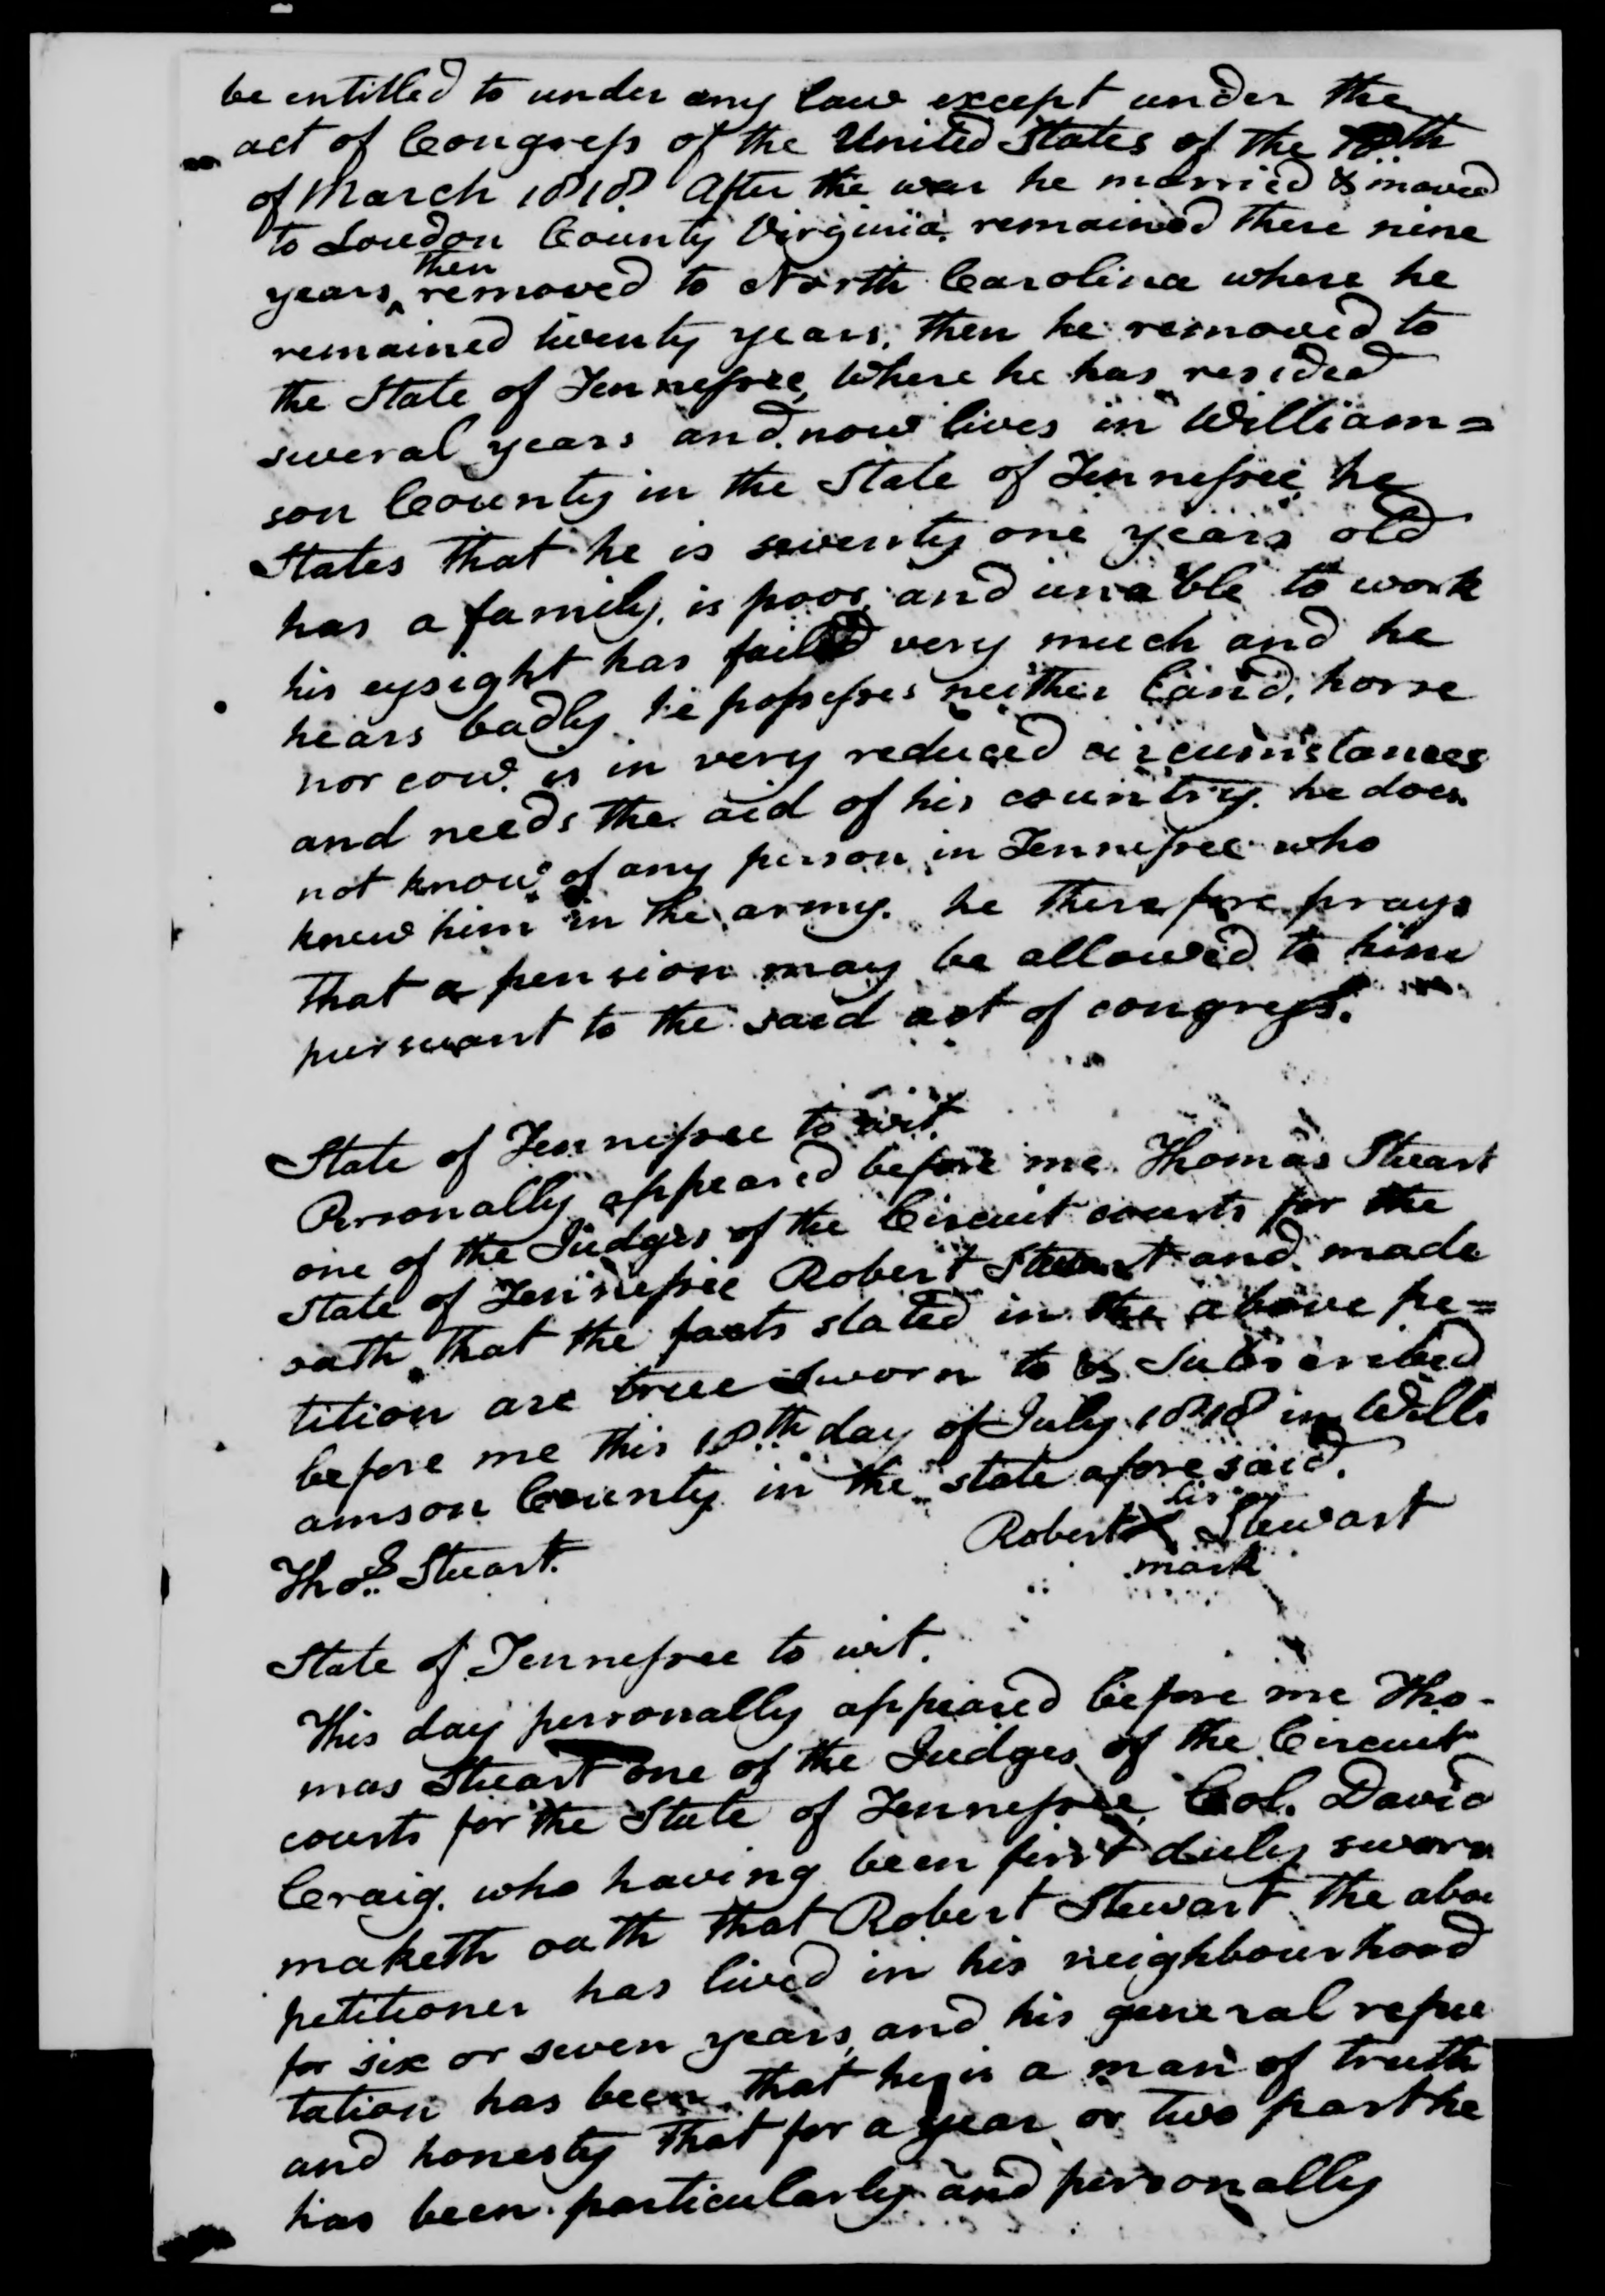be entitled to under any law except under the act of congress of the United States of the 18th of March 1818. After the war he married & moved to Loudon County Virginia, remained there nine years then removed to North Carolina where he remained twenty years, then he removed to the state of Tennessee where he has resided several years, and now lives in Williamson County in the State of Tennessee. He states that he is seventy-one years old, has a family, is poor and unable to work, his eyesight has failed very much, and he hears badly. He possesses neither land, horse, or cow, is in very reduced circumstances and needs the aid of his county. He does not know of any person in Tennessee who knew him in the army, he therefore prays that a pension may be allowed to him pursuant to the said act of congress.

State of Tennessee - to wit
Personally appeared before me Thomas Stuart one of the judges of the Circuit court for the state of Tennessee Robert Stewart and made oath that the facts stated in the above petition are true. Sworn to and subscribed before me this 18th day of July 1848 in Williamson County in the state aforesaid.

Robert Stewart
His X Mark

Thos. Stuart

State of Tennessee to wit

This day personally appeared before me Thomas Stuart one of the Judges of the Circuit Court for the state of Tennessee Col. David Craig who having been first duly sworn maketh oath that Robert Stewart the above petitioner has lived in his neighbourhood (neighborhood) for six or seven years and his general reputation has been that he is a man of truth and honesty that for a year or two past he has been particularly and personally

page: 7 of 15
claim: survivor's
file: S 39089, for Robert Stewart, Maryland